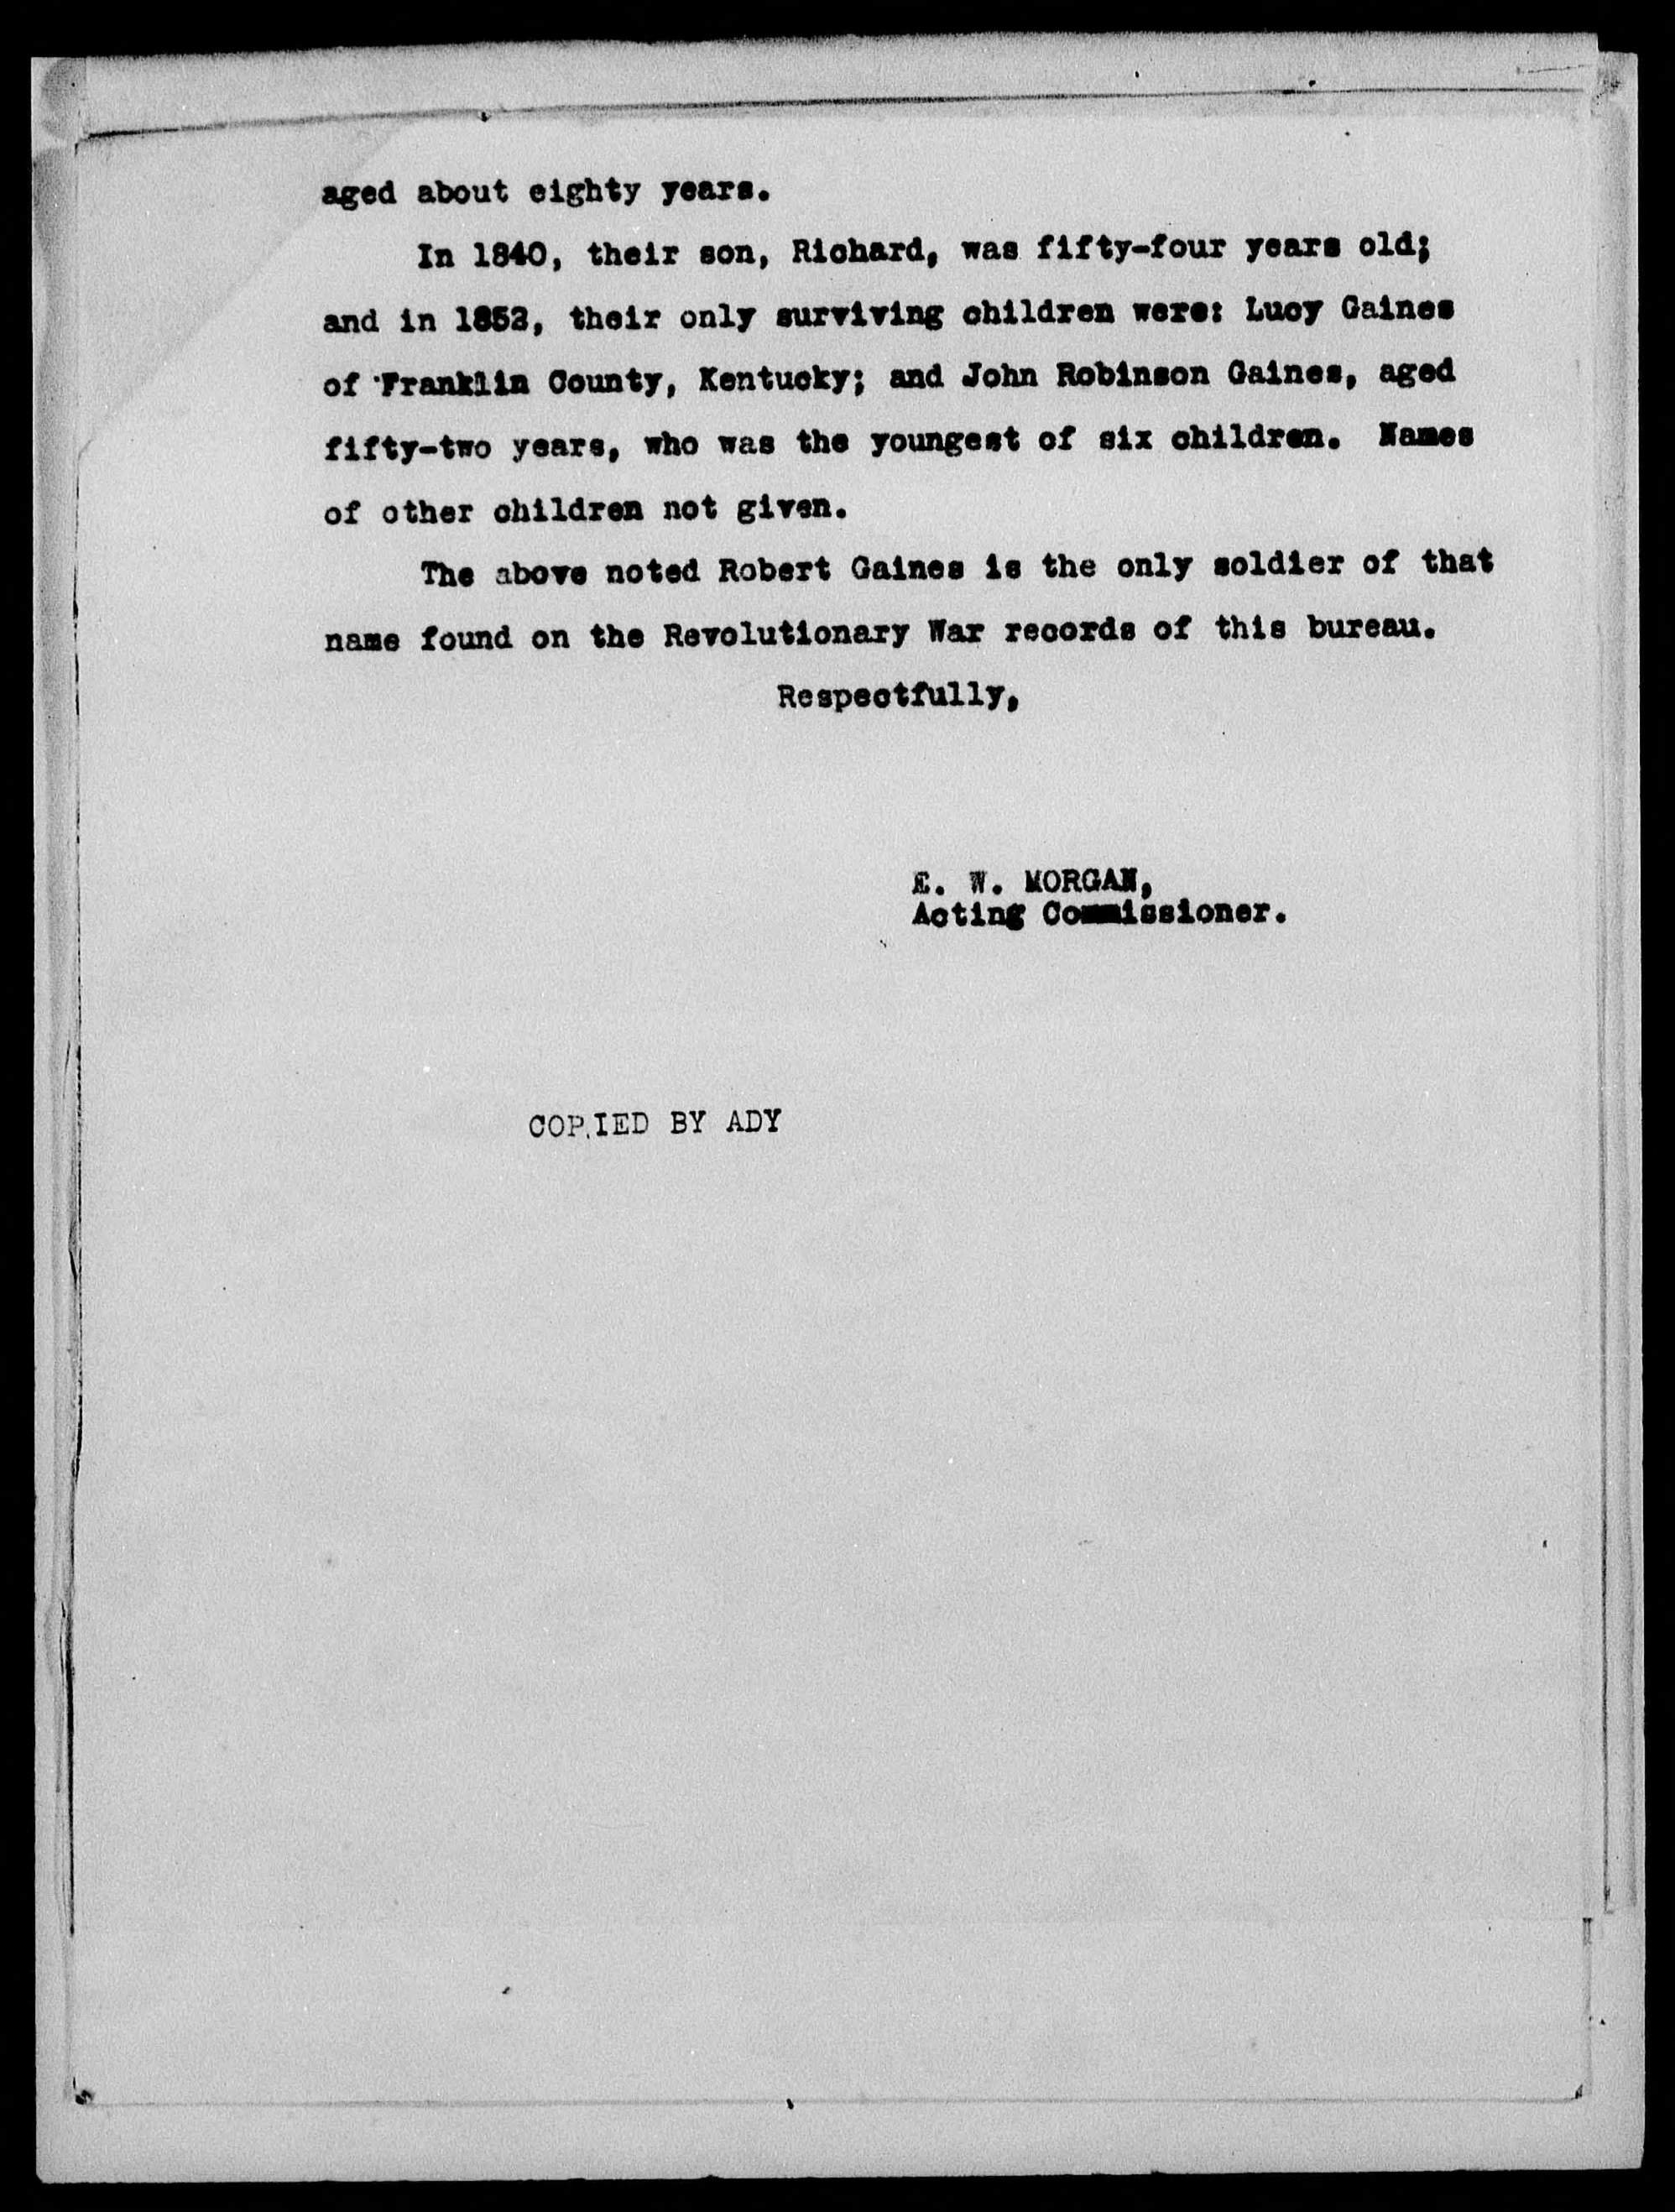aged about eighty years.
In 1840, their son, Richard, was fifty-four years old;
and in 1852, their only surviving children were: Lucy Gaines
of Franklin County, Kentucky; and John Robinson Gaines, aged
fifty-two years, who was the youngest of six children. James
of other children not given.
The above noted Robert Gaines is the only soldier of that
name found on the Revolutionary War records of this bureau.
Respectfully,
E. W. MORGAN,
Acting Commissioner.
COPIED BY ADY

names: John Robinson Gaines, Lucy Gaines, Robert Gaines, E W Morgan, Richard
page: 30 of 79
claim: rejected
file: R. 3863, Robert Gaines, Va.